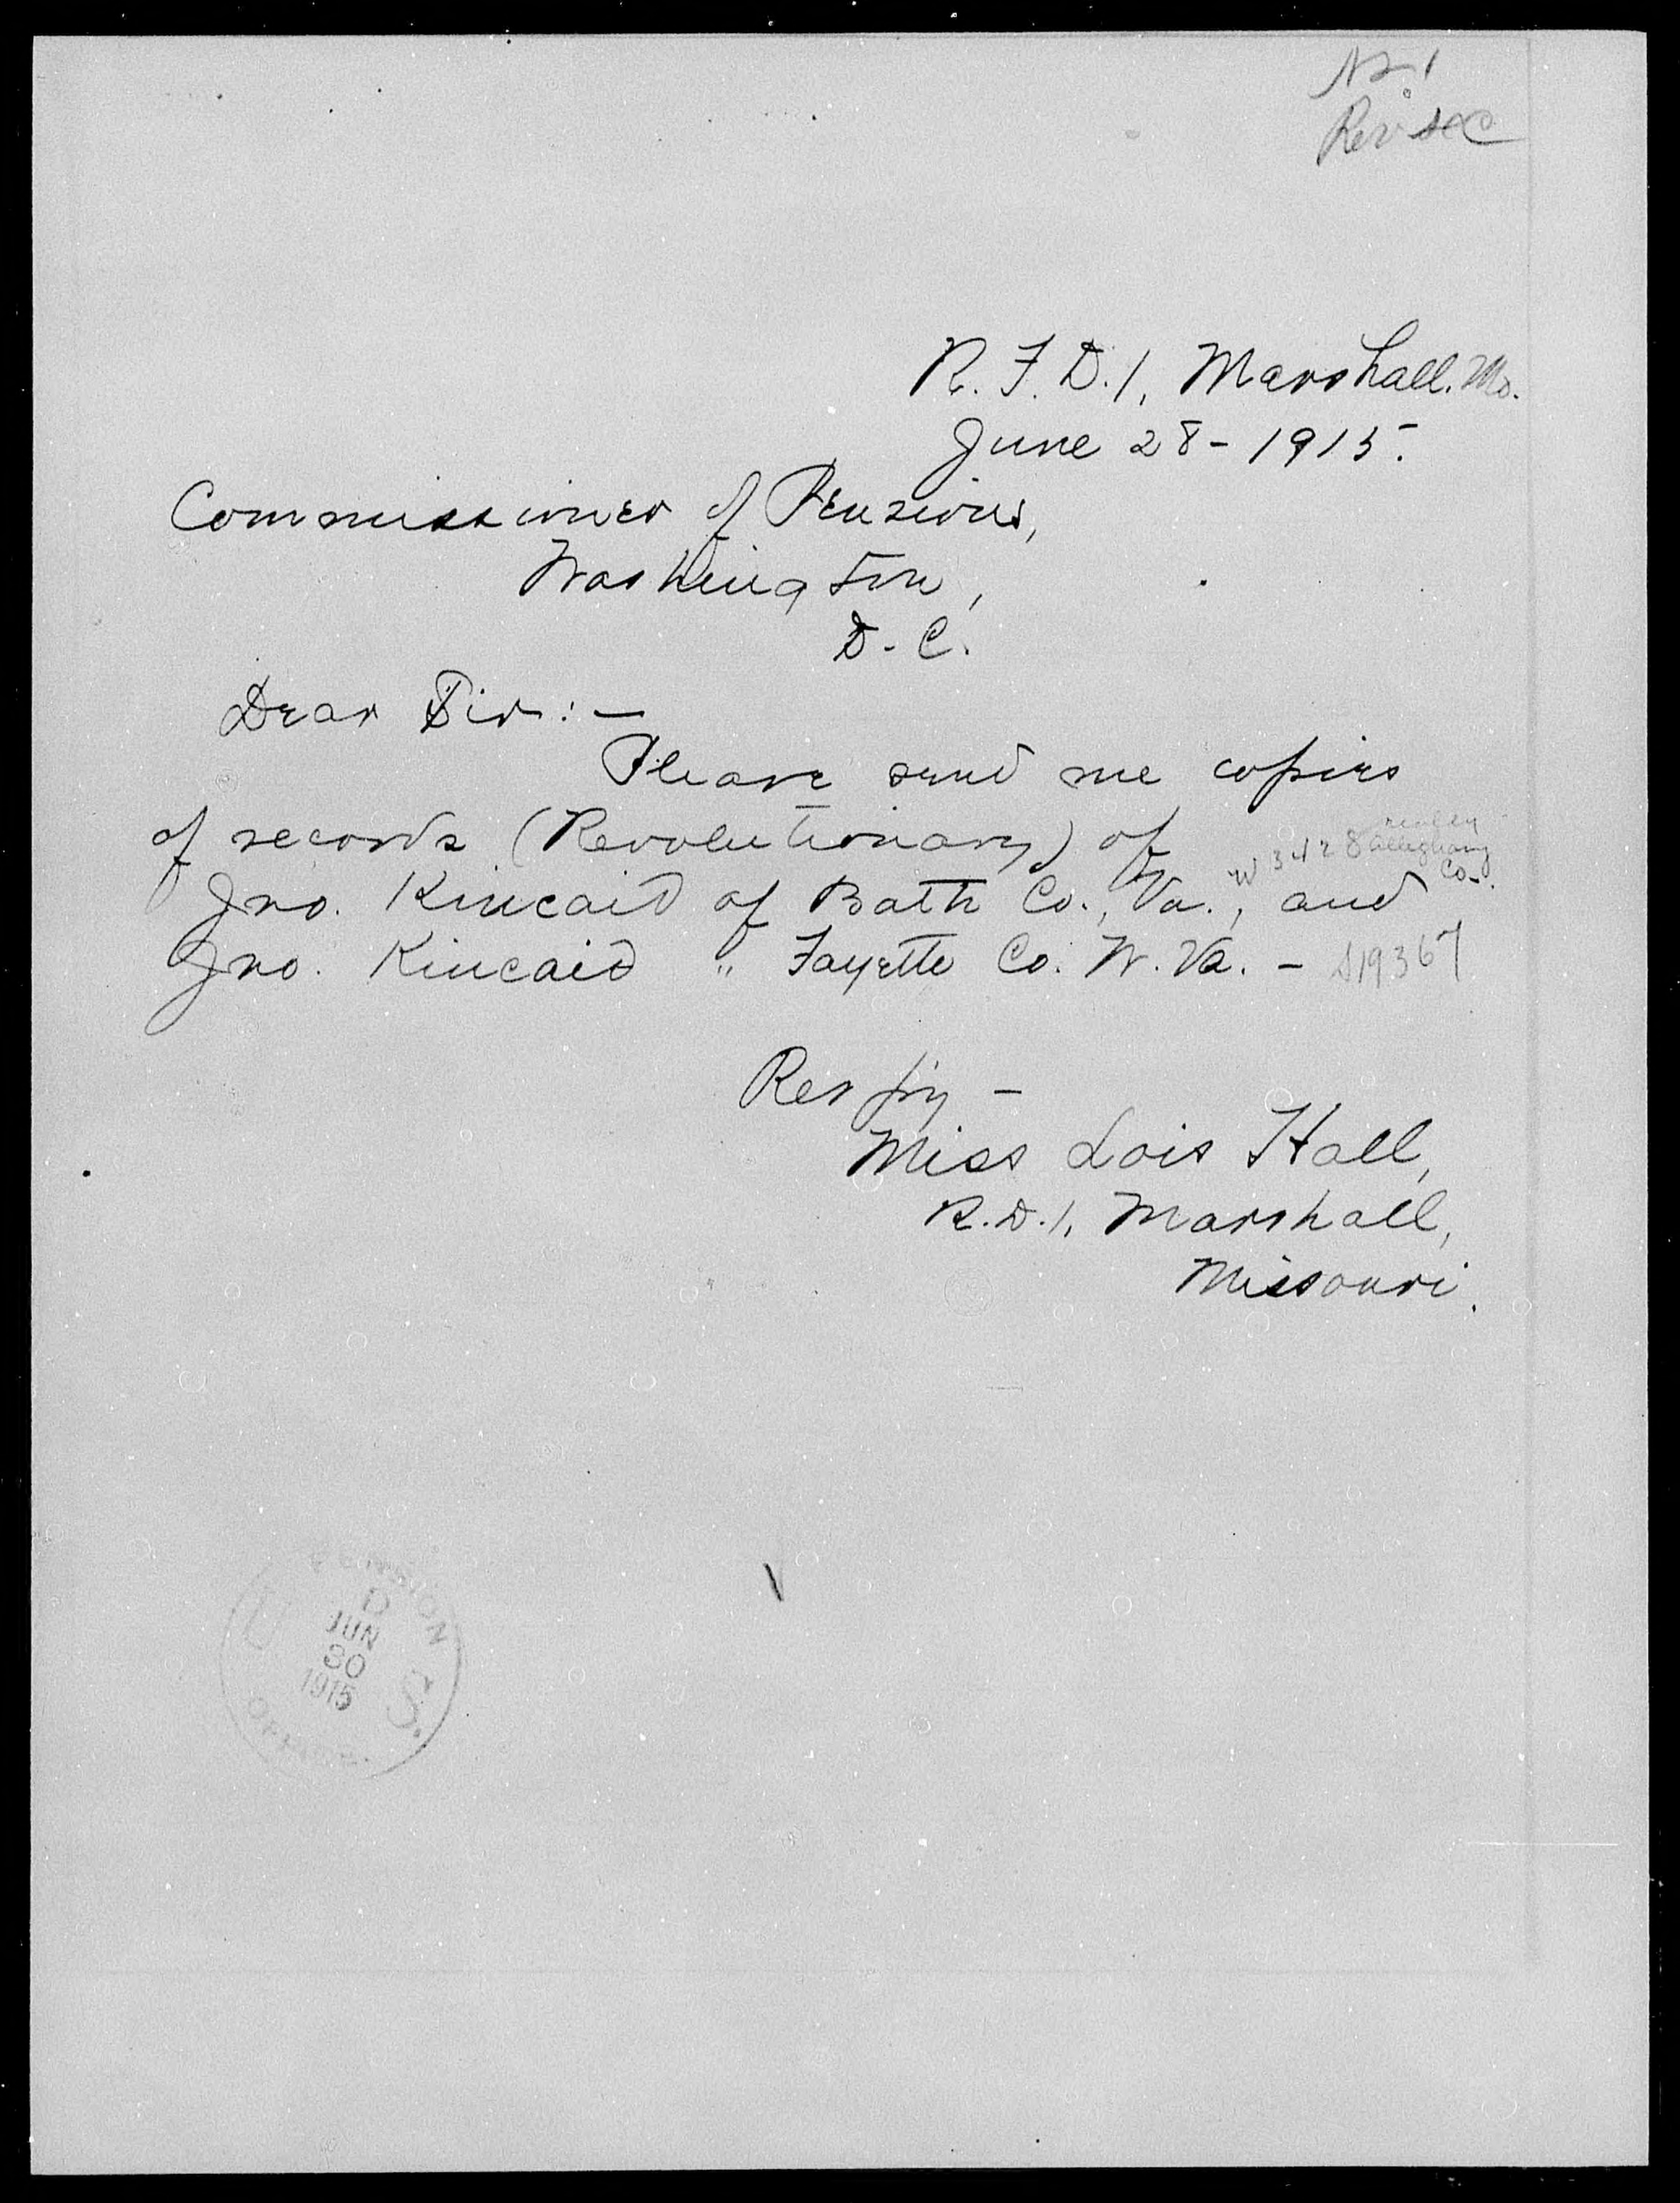Rev. Sec.


R.F.D. 1 Marshall Mo.
June 28-1915

Commissioner of Pensions
Washington,
D.C.


Dear Sir:-

Please send me copies of records (Revolutionary) of John Kincaid of Bath Co., Va. (W 3428 really Allegany Co. ) and John Kincaid of Fayette Co., Va. - (S19367)

Respectfully,

Miss Lois Hall
R.D. 1 Marshall
Missouri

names: Lois Hall; Jno Kincaid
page: 14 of 33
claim: survivor's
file: S. 19367, for John Kincaid, Virginia